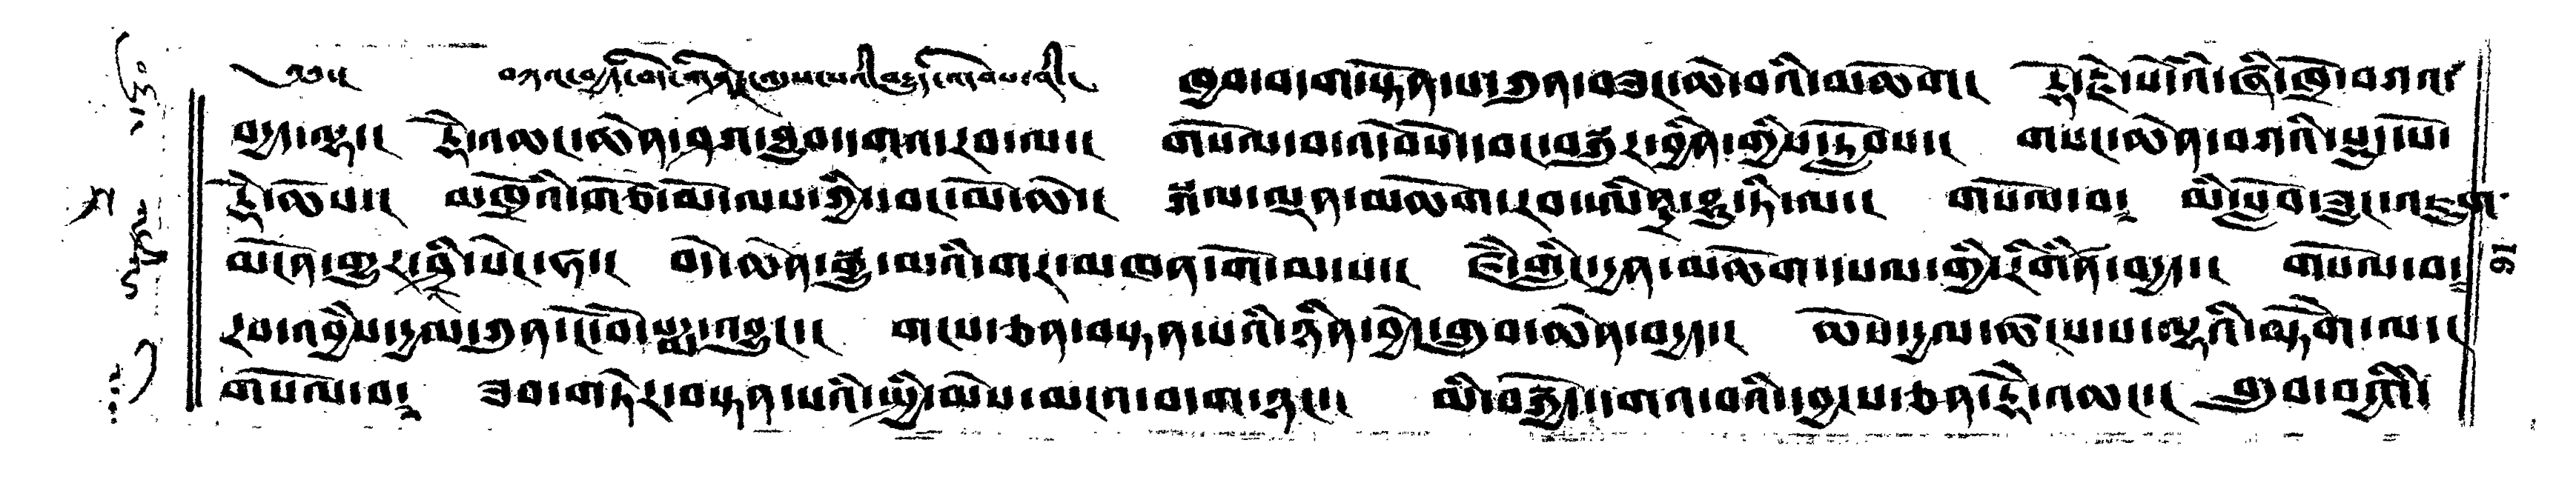བཀའ་བརྒྱད་བདེ་གཤེགས་འདུས་པའི་བརྒྱུད་འདེབས་ནི། ཁྱབ་བདག་སྟོན་པ་ཀུན་བཟངཆེ་བའི་མཆོག །རྡོ་རྗེ་སེམས་དཔའ་ཞི་ཁྲོ་བཀའ་
བརྒྱད་ལྷ། །རྡོ་རྗེ་འཆང་ཆེན་ཤཱཀ་ཐུབ་དགའ་རབ་ལ། །གསོལ་བ་འདེབས་སོ་དབང་བསྐུར་བྱིན་གྱིས་རློབས། །གསང་ཆེན་བཀའ་ཡི་སྡུད་པོ་
རྡོ་རྗེ་ཆོས། །མཁའ་འགྲོའི་གཙོ་མོ་ལས་ཀྱི་དབང་མོ་ཆེ། །སྐལ་ལྡན་མཆོག་རབ་ཨིནྡྲ་བྷུ་ཏི་ལ། །གསོལ་བ༴ མི་སློབ་ཟུང་འཇུག་
མངོན་གྱུར་ཤྲཱི་སེང་ཧ། །བདེ་ཆེན་སྒྱུ་མའི་གར་མཁན་གཱོ་མ་ས། །འཛམ་གླིང་རྒྱན་མཆོག་དཔལ་གྱི་རིག་འཛིན་བརྒྱད། །གསོལ་བ༴ 
རབ་འབྱམས་རྒྱལ་ཀུན་ངོ་བོ་པདྨ་འབྱུང་། །གངས་ཅན་བསྟན་པའི་ཉིན་བྱེད་གྲུབ་ཆེན་བརྒྱད། །ཆོས་རྒྱལ་ཚངས་པ་ལྷ་ཡི་མེ་ཏོག་ལ། །
གསོལ་བ༴ ཟབ་གཏེར་བསྟན་པའི་སྤྱི་མེས་མངའ་བདག་ཉང་། །མི་སྐྱོད་དགའ་བའི་དབྱངས་ཅན་རྡོ་རྗེ་འཆང་། །གྲུབ་བརྒྱའི་